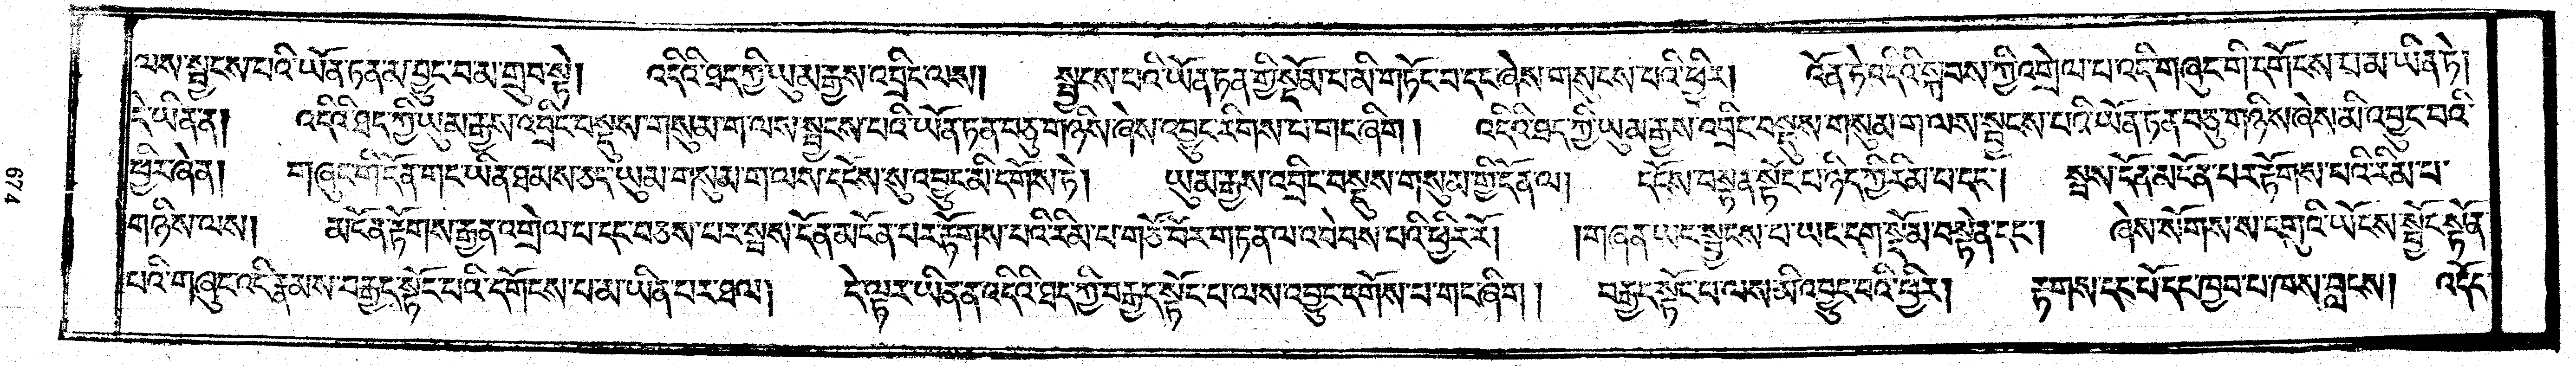ལས་སྦྱངས་པའི་ཡོན་ཏན་མ་བྱུང་བ་མ་གྲུབ་སྟེ། འདིའི་ཐད་ཀྱི་ཡུམ་རྒྱས་འབྲིང་ལས། སྦྱངས་པའི་ཡོན་ཏན་གྱི་སྡོམ་པ་མི་གཏོང་བ་དང་ཞེས་གསུངས་པའི་ཕྱིར། འོན་ཏེ་འདིའི་སྐབས་ཀྱི་འགྲེལ་པ་འདི་གཞུང་གི་དགོངས་པ་མ་ཡིན་ཏེ།
དེ་ཡིན་ན། འདིའི་ཐད་ཀྱི་ཡུམ་རྒྱས་འབྲིང་བསྡུས་གསུམ་ག་ལས་སྦྱངས་པའི་ཡོན་ཏན་བཅུ་གཉིས་ཞེས་འབྱུང་རིགས་པ་གང་ཞིག། འདིའི་ཐད་ཀྱི་ཡུམ་རྒྱས་འབྲིང་བསྡུས་གསུམ་ག་ལས་སྦྱངས་པའི་ཡོན་ཏན་བཅུ་གཉིས་ཞེས་མི་འབྱུང་བའི་
ཕྱིར་ཞེ་ན། གཞུང་གི་དོན་གང་ཡིན་ཐམས་ཅད་ཡུམ་གསུམ་ག་ལས་དངོས་སུ་འབྱུང་མི་དགོས་ཏེ། ཡུམ་རྒྱས་འབྲིང་བསྡུས་གསུམ་གྱི་དོན་ལ། དངོས་བསྟན་སྟོང་པ་ཉིད་ཀྱི་རིམ་པ་དང་། སྦས་དོན་མངོན་པར་རྟོགས་པའི་རིམ་པ་
གཉིས་ལས། མངོན་རྟོགས་རྒྱན་འགྲེལ་པ་དང་བཅས་པར་སྦས་དོན་མངོན་པར་རྟོགས་པའི་རིམ་པ་གཙོ་བོར་གཏན་ལ་འབེབས་པའི་ཕྱིར་རོ། །གཞན་ཡང་སྦྱངས་པ་ཡང་དག་སྡོམ་བསྟེན་དང་། ཞེས་སོགས་ས་དགུའི་ཡོངས་སྦྱོང་སྟོན་
པའི་གཞུང་འདི་རྣམས་བརྒྱད་སྟོང་པའི་དགོངས་པ་མ་ཡིན་པར་ཐལ། དེ་ལྟར་ཡིན་ན་འདིའི་ཐད་ཀྱི་བརྒྱད་སྟོང་པ་ལས་འབྱུང་དགོས་པ་གང་ཞིག། བརྒྱད་སྟོང་པ་ལས་མི་འབྱུང་བའི་ཕྱིར། རྟགས་དང་པོ་དང་ཁྱབ་པ་ཁས་བླངས། འདོད་